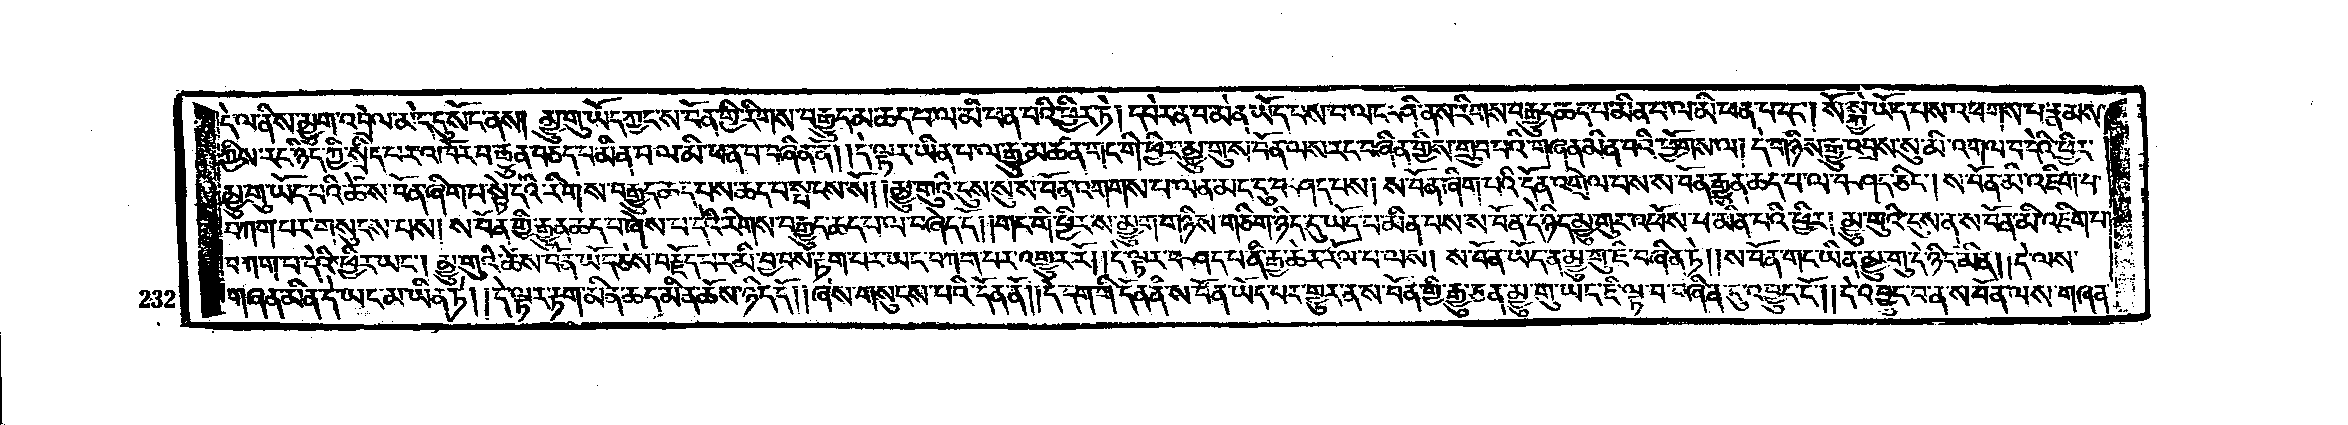དེ་ལ་ནི་ས་མྱུག་འབྲེལ་མེད་དུ་སོང་ནས། མྱུ་གུ་ཡོད་ཀྱང་ས་བོན་གྱི་རིགས་བརྒྱུད་མ་ཆད་པ་ལ་མི་ཕན་པའི་ཕྱིར་ཏེ། དཔེར་ན་བ་མིན་ཡོད་པས་བ་ལང་ཤི་ནས་རིགས་བརྒྱུད་ཆད་པ་མིན་པ་ལ་མི་ཕན་པ་དང་། སོ་སྐྱེ་ཡོད་པས་འཕགས་པ་རྣམས་
ཀྱིས་རང་ཉིད་ཀྱི་སྲིད་པར་འཁོར་བ་རྒྱུན་བཅད་པ་མིན་པ་ལ་མི་ཕན་པ་བཞིན་ནོ། །དེ་ལྟར་ཡིན་པ་ལ་རྒྱུ་མཚན་གང་གི་ཕྱིར་མྱུ་གུ་ས་བོན་ལས་རང་བཞིན་གྱིས་གྲུབ་པའི་གཞན་མིན་པའི་ཕྱོགས་ལ། དེ་གཉིས་རྒྱུ་འབྲས་སུ་མི་འགལ་བ་དེའི་ཕྱིར་
མྱུ་གུ་ཡོད་པའི་ཚེ་ས་བོན་ཞིག་པ་སྟེ་དེའི་རིགས་བརྒྱུད་ཆད་པས་ཆད་པ་སྤངས་སོ། །མྱུ་གུའི་དུས་སུ་ས་བོན་འགགས་པ་ལན་མང་དུ་བཤད་པས། ས་བོན་ཞིག་པའི་དོན་འགྲེལ་བས་ས་བོན་རྒྱུན་ཆད་པ་ལ་བཤད་ཅིང་། ས་བོན་མི་འཇིག་པ་
བཀག་པར་གསུངས་པས། ས་བོན་གྱི་རྒྱུན་ཆད་པ་ཞེས་པ་དེའི་རིགས་བརྒྱུད་ཆད་པ་ལ་བཞེད་དོ། །གང་གི་ཕྱིར་ས་མྱུག་གཉིས་གཅིག་ཉིད་དུ་ཡོད་པ་མིན་པས་ས་བོན་དེ་ཉིད་མྱུ་གུར་འཕོས་པ་མིན་པའི་ཕྱིར། མྱུ་གུའི་དུས་ན་ས་བོན་མི་འཇིག་པ་
བཀག་པ་དེའི་ཕྱིར་ཡང་། མྱུ་གུའི་ཚེ་ས་བོན་ཡོད་ཅེས་བརྗོད་པར་མི་བྱ་བས་རྟག་པར་ཡང་བཀག་པར་འགྱུར་རོ། །དེ་ལྟར་བཤད་པ་ནི་རྒྱ་ཆེར་རོལ་པ་ལས། ས་བོན་ཡོད་ན་མྱུ་གུ་ཇི་བཞིན་ཏེ། །ས་བོན་གང་ཡིན་མྱུ་གུ་དེ་ཉིད་མིན། །དེ་ལས་
གཞན་མིན་དེ་ཡང་མ་ཡིན་ཏེ། །དེ་ལྟར་རྟག་མིན་ཆད་མིན་ཆོས་ཉིད་དོ། །ཞེས་གསུངས་པའི་དོན་ནོ། །དེ་དག་གི་དོན་ནི་ས་བོན་ཡོད་པར་གྱུར་ན་ས་བོན་གྱི་རྒྱུ་ཅན་མྱུ་གུ་ཡང་ཇི་ལྟ་བ་བཞིན་དུ་འབྱུང་ངོ། །དེ་འབྱུང་བ་ན་ས་བོན་ལས་